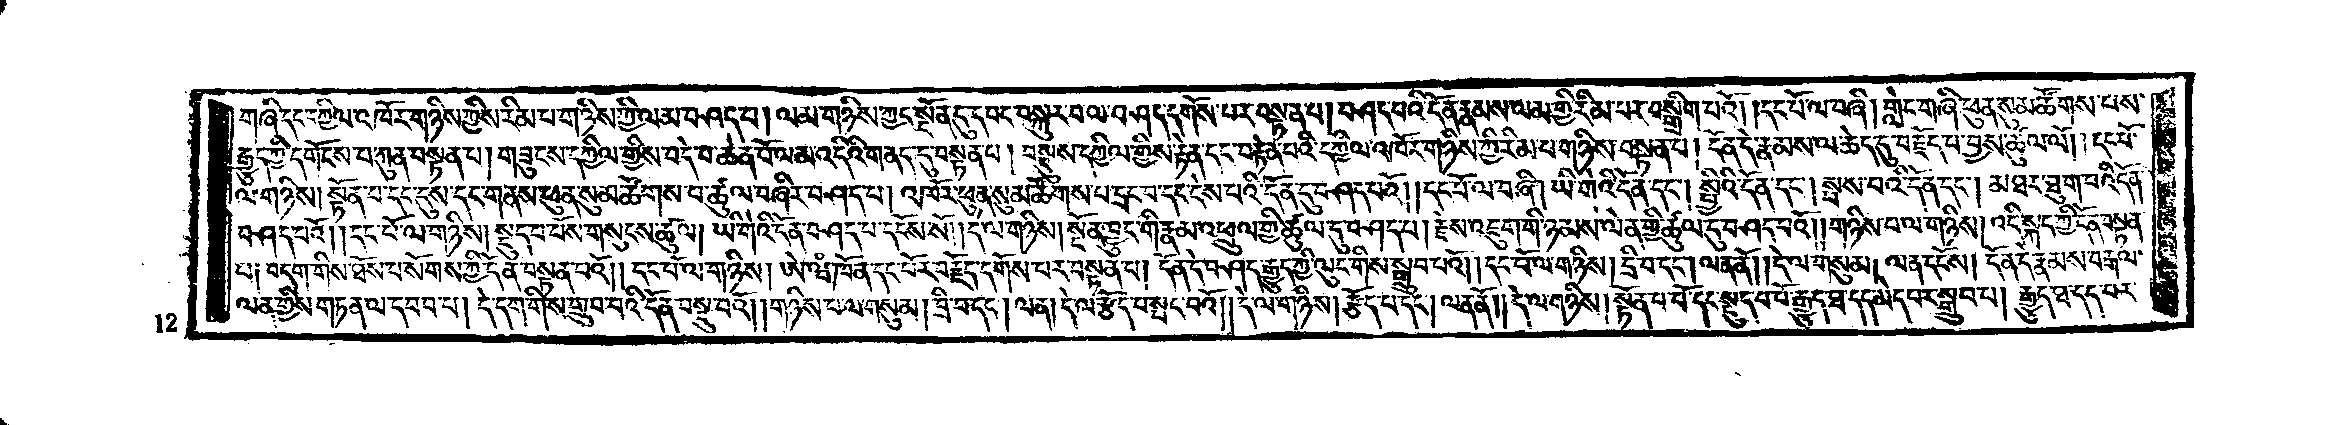གཞི་དང་དཀྱིལ་འཁོར་གཉིས་ཀྱིས་རིམ་པ་གཉིས་ཀྱི་ལམ་བཤད་པ། ལམ་གཉིས་ཀྱང་སྔོན་དུ་དབང་བསྐུར་བ་ལ་བཤད་དགོས་པར་བསྟན་པ། བཤད་པའི་དོན་རྣམས་ལམ་གྱི་རིམ་པར་བསྒྲིག་པའོ། །དང་པོ་ལ་བཞི། གླེང་གཞི་ཕུན་སུམ་ཚོགས་པས་
རྒྱུད་ཀྱི་དགོངས་པ་ཀུན་བསྟན་པ། གཟུངས་དཀྱིལ་གྱིས་བདེ་བ་ཆེན་པོ་ལམ་འདིའི་གནང་དུ་བསྟན་པ། བསྡུས་དཀྱིལ་གྱིས་རྟེན་དང་བརྟེན་པའི་དཀྱིལ་འཁོར་གཉིས་ཀྱི་རིམ་པ་གཉིས་བསྟན་པ། དོན་དེ་རྣམས་ལ་ཆེད་དུ་བརྗོད་པ་བྱས་ཚུལ་ལོ། །དང་པོ་
ལ་གཉིས། སྟོན་པ་དང་དུས་དང་གནས་ཕུན་སུམ་ཚོགས་པ་ཚུལ་བཞིར་བཤད་པ། འཁོར་ཕུན་སུམ་ཚོགས་པ་དྲང་བ་དང་ངེས་པའི་དོན་དུ་བཤད་པའོ། །དང་པོ་ལ་བཞི། ཡི་གེའི་དོན་དང་། སྤྱིའི་དོན་དང་། སྦས་པའི་དོན་དང་། མཐར་ཐུག་པའི་དོན་
བཤད་པའོ། །དང་པོ་ལ་གཉིས། སྡུད་པ་པོས་གསུངས་ཚུལ། ཡི་གེའི་དོན་བཤད་པ་དངོས་སོ། །དེ་ལ་གཉིས། སྔོན་བྱུང་གི་རྣམ་འཕྲུལ་གྱི་ཚུལ་དུ་བཤད་པ། རྗེས་འཇུག་གི་ཉམས་ལེན་གྱི་ཚུལ་དུ་བཤད་པའོ། །གཉིས་པ་ལ་གཉིས། འདི་སྐད་ཀྱི་དོན་བསྟན་
པ། བདག་གིས་ཐོས་པ་སོགས་ཀྱི་དོན་བསྟན་པའོ། །དང་པོ་ལ་གཉིས། ཨེ་ཝཾ་ཁོ་ན་དང་པོར་བརྗོད་དགོས་པར་བསྟན་པ། དོན་དེ་བཤད་རྒྱུད་ཀྱི་ལུང་གིས་སྒྲུབ་པའོ། །དང་པོ་ལ་གཉིས། དྲི་བ་དང་། ལན་ནོ། །དེ་ལ་གསུམ། ལན་དངོས། དོན་དེ་རྣམས་བརྒལ་
ལན་གྱིས་གཏན་ལ་དབབ་པ། དེ་དག་གིས་གྲུབ་པའི་དོན་བསྡུ་བའོ། །གཉིས་པ་ལ་གསུམ། དྲི་བ་དང་། ལན། དེ་ལ་རྩོད་པ་སྤང་བའོ། །དེ་ལ་གཉིས། རྩོད་པ་དང་། ལན་ནོ། །དེ་ལ་གཉིས། སྟོན་པ་པོ་དང་སྡུད་པ་པོ་རྒྱུད་ཐ་དད་མེད་པར་སྒྲུབ་པ། རྒྱུད་ཐ་དད་པར་